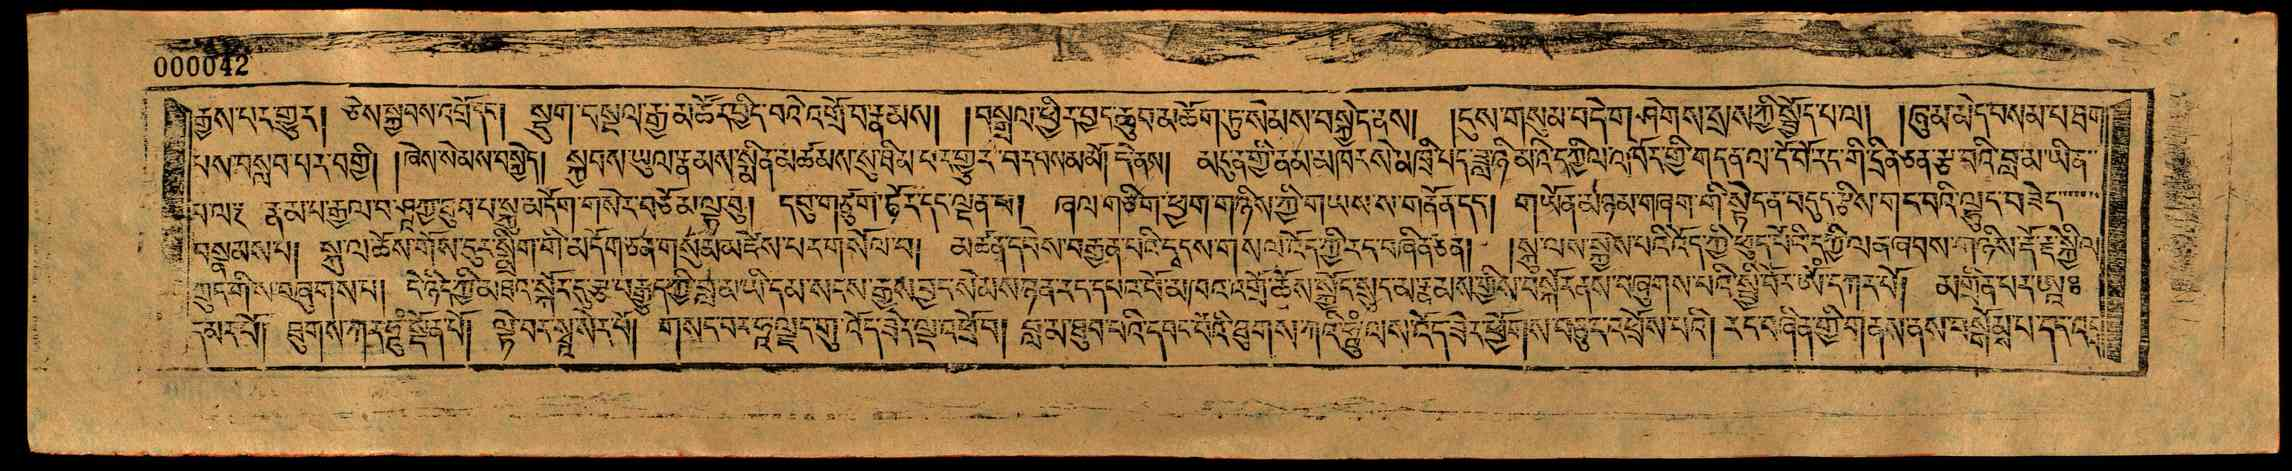རྒྱས་པར་གྱུར། ཅེས་སྐྱབས་འགྲོ་དང་། སྡུག་བསྔལ་རྒྱ་མཚོར་བྱིང་བའི་འགྲོ་བ་རྣམས། །བསྒྲལ་ཕྱིར་བྱང་ཆུབ་མཆོག་ཏུ་སེམས་བསྐྱེད་ནས། །དུས་གསུམ་བདེ་གཤེགས་སྲས་ཀྱི་སྤྱོད་པ་ལ། །ཞུམ་མེད་བསམ་པ་ཐག་
པས་བསླབ་པར་བགྱི། །ཞེས་སེམས་བསྐྱེད། སྐྱབས་ཡུལ་རྣམས་སྨིན་མཚམས་སུ་ཐིམ་པར་གྱུར་པར་བསམ་མོ། དེ་ནས། མདུན་གྱི་ནམ་མཁར་སེང་ཁྲི་པད་ཟླ་ཉི་མའི་དཀྱིལ་འཁོར་གྱི་གདན་ལ་ངོ་བོ་རང་གི་དྲིན་ཅན་རྩ་བའི་བླ་མ་ཡིན་
པ་ལ། རྣམ་པ་རྒྱལ་བ་ཤཱཀྱ་ཐུབ་པ་སྐུ་མདོག་གསེར་བཅོ་མ་ལྟ་བུ། དབུ་གཙུག་ཏོར་དང་ལྡན་པ། ཞལ་གཅིག་ཕྱག་གཉིས་ཀྱི་གཡས་ས་གནོན་དང་། གཡོན་མཉམ་བཞག་གི་སྟེང་ན་བདུད་རྩིས་གང་བའི་ལྷུང་བཟེད་
བསྣམས་པ། སྐུ་ལ་ཆོས་གོས་ངུར་སྨྲིག་གི་མདོག་ཅན་གསུམ་མཛེས་པར་གསོལ་བ། མཚན་དཔེས་བརྒྱན་པའི་དྭངས་གསལ་འོད་ཀྱི་རང་བཞིན་ཅན། །སྐུ་ལས་སྐྱེས་པའི་འོད་ཀྱི་ཕུང་པོའི་དཀྱིལ་ན་ཞབས་གཉིས་རྡོ་རྗེ་སྐྱིལ་
ཀྲུང་གིས་བཞུགས་པ། དེ་ཉིད་ཀྱི་མཐའ་སྐོར་དུ་རྩ་བརྒྱུད་ཀྱི་བླ་མ་ཡི་དམ་སངས་རྒྱས་བྱང་སེམས་ཉན་རང་དཔའ་བོ་མཁའ་འགྲོ་ཆོས་སྐྱོང་སྲུང་མ་རྣམས་ཀྱིས་བསྐོར་ནས་བཞུགས་པའི་སྤྱི་བོར་ཨོཾ་དཀར་པོ། མགྲིན་པར་ཨཱཿ
དམར་པོ། ཐུགས་ཀར་ཧཱུཾ་སྔོན་པོ། ལྟེ་བར་སྭཱ་སེར་པོ། གསང་བར་ཧཱ་ལྗང་གུ་འོད་ཟེར་ལྔ་འཕྲོ་བ། བླ་མ་ཐུབ་པའི་དབང་པོའི་ཐུགས་ཀའི་ཧཱུཾ་ལས་འོད་ཟེར་ཕྱོགས་བཅུར་འཕྲོས་པའི། རང་བཞིན་གྱི་གནས་ནས་བསྒོམས་པ་དང་འདྲ་